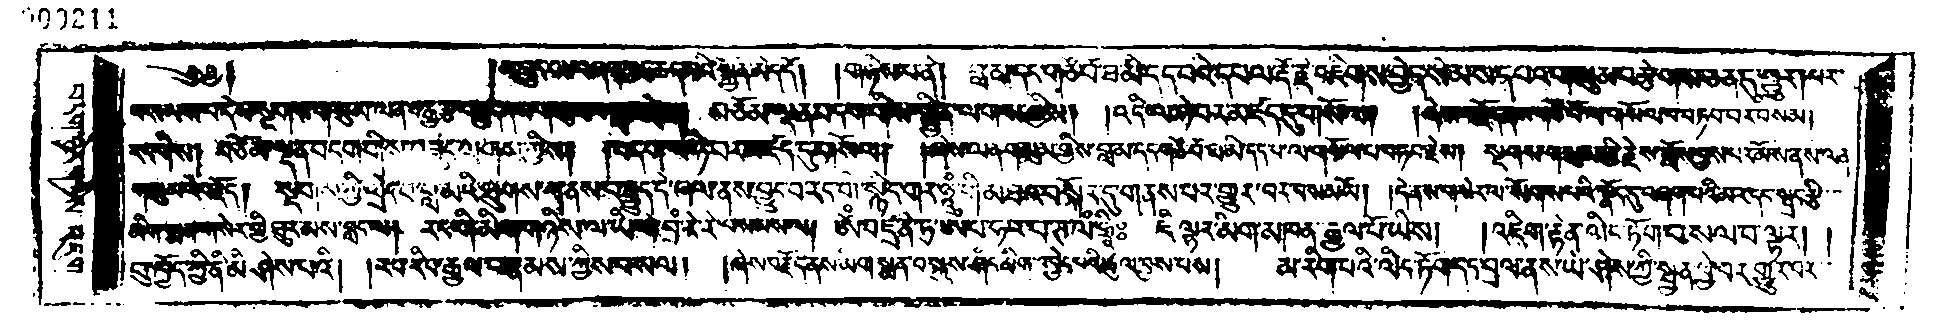༄༅། །མ་བྱུང་བས་བཞག་ཀྱང་ཆད་པའི་སྐྱོན་མེད་དོ། །གཉིས་པ་ནི། བླ་མ་དང་གཙོ་བོ་ཐ་མི་དད་པའི་དཔལ་རྡོ་རྗེ་འཇིགས་བྱེད་སེམས་དཔའ་གསུམ་བརྩེགས་ཅན་དུ་གྱུར། པར་
བསམས་པ་དེས་སྔགས་གསུམ་ལན་བརྒྱ་རྩ་བརྒྱད་དམ་གསུམ་བཟླས་རྗེས། བཅོམ་ལྡན་བདག་གིས་སྦྱིན་ལགས་ཀྱིས། །འདི་ལ་ཉེ་བར་མཛད་དུ་གསོལ། །ཞེས་བརྗོད་ནས་གཙོ་བོ་ལ་གསོལ་བ་བཏབ་པར་བསམ།
རང་གིས། བཅོམ་ལྡན་བདག་གིས་བཟུང་ལགས་ཀྱིས། །བདག་ལ་ཉེ་བར་མཛད་དུ་གསོལ། །ཞེས་ལན་གསུམ་གྱིས་བླ་མ་དང་གཙོ་བོ་ཐ་མི་དད་པ་ལ་གསོལ་བ་བཏབ་རྗེས། སྔགས་གསུམ་གྱི་རྗེས་ཟློས་བྱས་པར་མོས་ནས་ལན་
གསུམ་རེ་བརྗོད། སྔགས་ཀྱི་ཕྲེང་བ་བླ་མའི་ཐུགས་ཀ་ནས་བརྒྱུད་དེ་ཞལ་ནས་བྱུང་བ་རང་གི་སྙིང་གར་ཧཱུཾ་གི་མཐའ་བསྐོར་དུ་གནས་པར་གྱུར་བར་བསམ་མོ། །དེ་ནས་གསེར་ལ་སོགས་པའི་སྣོད་དུ་བཞག་པའི་མར་དང་སྤྲང་རྩི་
མིག་སྨན་གསེར་གྱི་ཐུར་མས་བླང་ལ། རང་གི་མིག་གཉིས་ལ་ཡི་གེ་བྲཾ་?་རེ་རེ་བསམས་ལ།  ཨོཾ་བཛྲ་ནེ་ཏྲ་ཨ་པ་ཧ་ར་པ་ཊ་ལཾ་ཧྲཱིཿ ཇི་ལྟར་མིག་མཁན་རྒྱལ་པོ་ཡིས། །འཇིག་རྟེན་ལིང་ཏོག་བསལ་བ་ལྟར། །
བུ་ཁྱོད་ཀྱི་ནི་མི་ཤེས་པའི། །རབ་རིབ་རྒྱལ་བ་རྣམས་ཀྱིས་བསལ། ། ཞེས་བརྗོད་ནས་མིག་སྨན་བསྐུས་ཤིང་མིག་འབྱེད་པའི་ཚུལ་བྱས་པས།  མ་རིག་པའི་ལིང་ཏོག་དང་བྲལ་ནས་ཡེ་ཤེས་ཀྱི་སྤྱན་ཕྱེ་བར་གྱུར་བར་